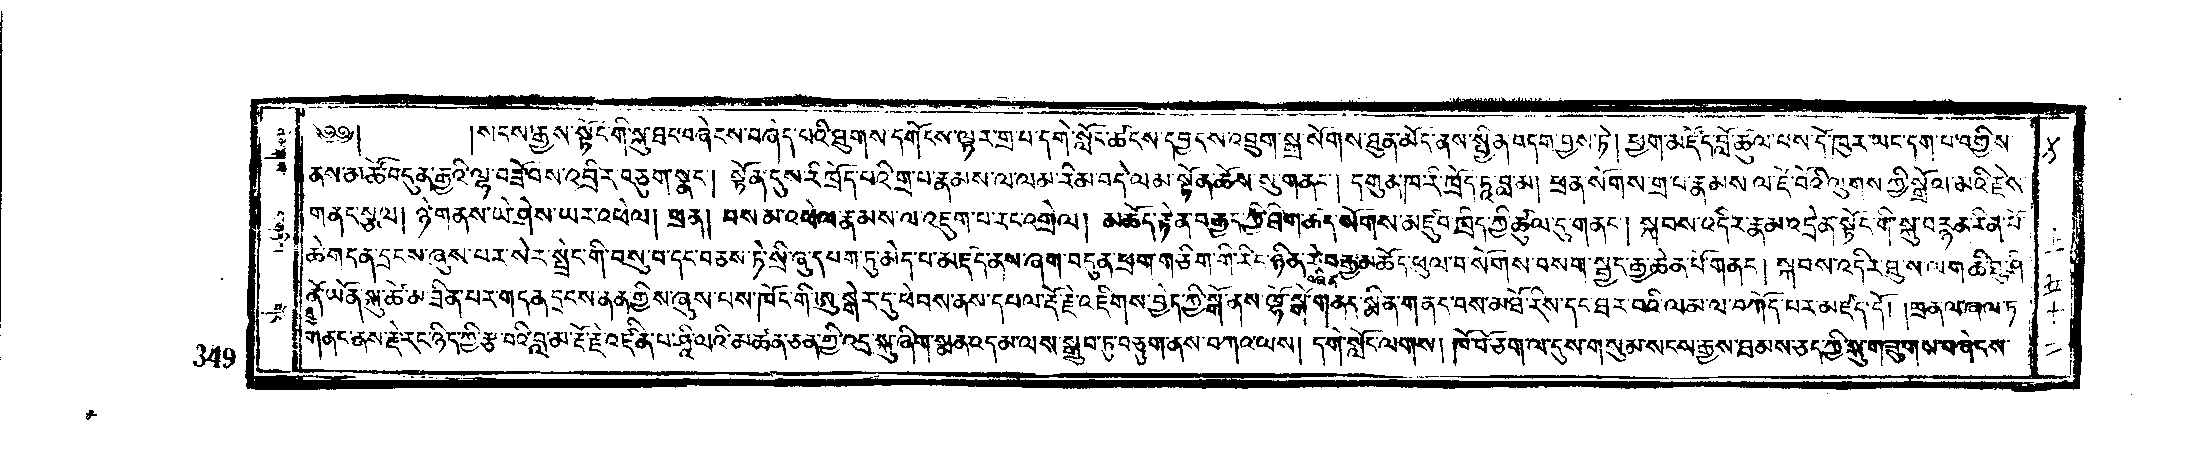༄༅། །སངས་རྒྱས་སྟོང་གི་སྐུ་ཐང་བཞེངས་བཞེད་པའི་ཐུགས་དགོངས་ལྟར་གྲ་པ་དགེ་སློང་ཚངས་དབྱངས་འབྲུག་སྒྲ་སོགས་ཐུན་མོང་ནས་སྦྱིན་བདག་བྱས་ཏེ། ཕྱག་མཛོད་བློ་ཚུལ་པས་དེ་ཁུར་ཡང་དག་པ་བགྱིས་
ནས་མཚོ་བདུན་རྒྱའི་ལྷ་བཟོ་བས་འབྲིར་བཅུག་སྣང་། སྟོན་དུས་རི་ཁྲོད་པའི་གྲ་པ་རྣམས་ལ་ལམ་རིམ་བདེ་ལམ་སྟོན་ཆོས་སུ་གནང་། དགུན་ཁ་རི་ཁྲོད་ཏཱ་བླ་མ། ཕྲན་སོགས་གྲ་པ་རྣམས་ལ་ཇོ་བོའི་ལུགས་ཀྱི་སྒྲོལ་མའི་རྗེས་
གནང་སྩལ། ཉེ་གནས་ཡེ་ཤེས་ཡར་འཕེལ། ཕྲན། བསམ་འཕེལ་རྣམས་ལ་འཇུག་པ་རང་འགྲེལ། མཆོད་རྟེན་བརྒྱད་ཀྱི་ཐིག་ཚད་སོགས་མཛུབ་ཁྲིད་ཀྱི་ཚུལ་དུ་གནང་། སྐབས་འདིར་རྣམ་འདྲེན་སྟོང་གི་སྐུ་བརྙན་རིན་པོ་
ཆེ་གདན་དྲངས་ཞུས་པར་སེར་སྤྲེང?་གི་བསུ་བ་དང་བཅས་ཏེ་སྲི་ཞུ་དཔག་ཏུ་མེད་པ་མཛད་ནས་ཞག་བདུན་ཕྲག་གཅིག་གི་རིང་ཉིན་རེ་བཞིན་བརྒྱ་མཆོད་ཕུལ་བ་སོགས་བསག་སྦྱང་རྒྱ་ཆེན་པོ་གནང་། སྐབས་འདིར་ཐུ་ས་ལག་ཆི་ཐུ་ཤི་
ཐུ་ནོ་ཡོན་སྐུ་ཚེ་མ་ཟིན་པར་གདན་དྲངས་ནན་གྱིས་ཞུས་པས་ཁོང་གི་ཨུ་སྒེར་དུ་ཕེབས་ནས་དཔལ་རྡོ་རྗེ་འཇིགས་བྱེད་ཀྱི་སྒོ་ནས་ལྷོ་སྒོ་གནད་སྨིན་གནང་བས་མཐོ་རིས་དང་ཐར་བའི་ལམ་ལ་བཀོད་པར་མཛད་དོ། །ཕྲན་ལ་ཞལ་ཏ་
གནང་ནས་རྗེ་རང་ཉིད་ཀྱི་རྩ་བའི་བླ་མ་རྡོ་རྗེ་འཛིན་པ་ཤཱི་ལའི་མཚན་ཅན་གྱི་འདྲ་སྐུ་ཞིག་སྨན་འདམ་ལས་སྒྲུབ་ཏུ་བཅུག་ནས་བཀའ་ལས། དགེ་སློང་ལགས། ཁོ་བོ་ཅག་ལ་དུས་གསུམ་སངས་རྒྱས་ཐམས་ཅད་ཀྱི་སྐུ་གཟུགས་བཞེངས་